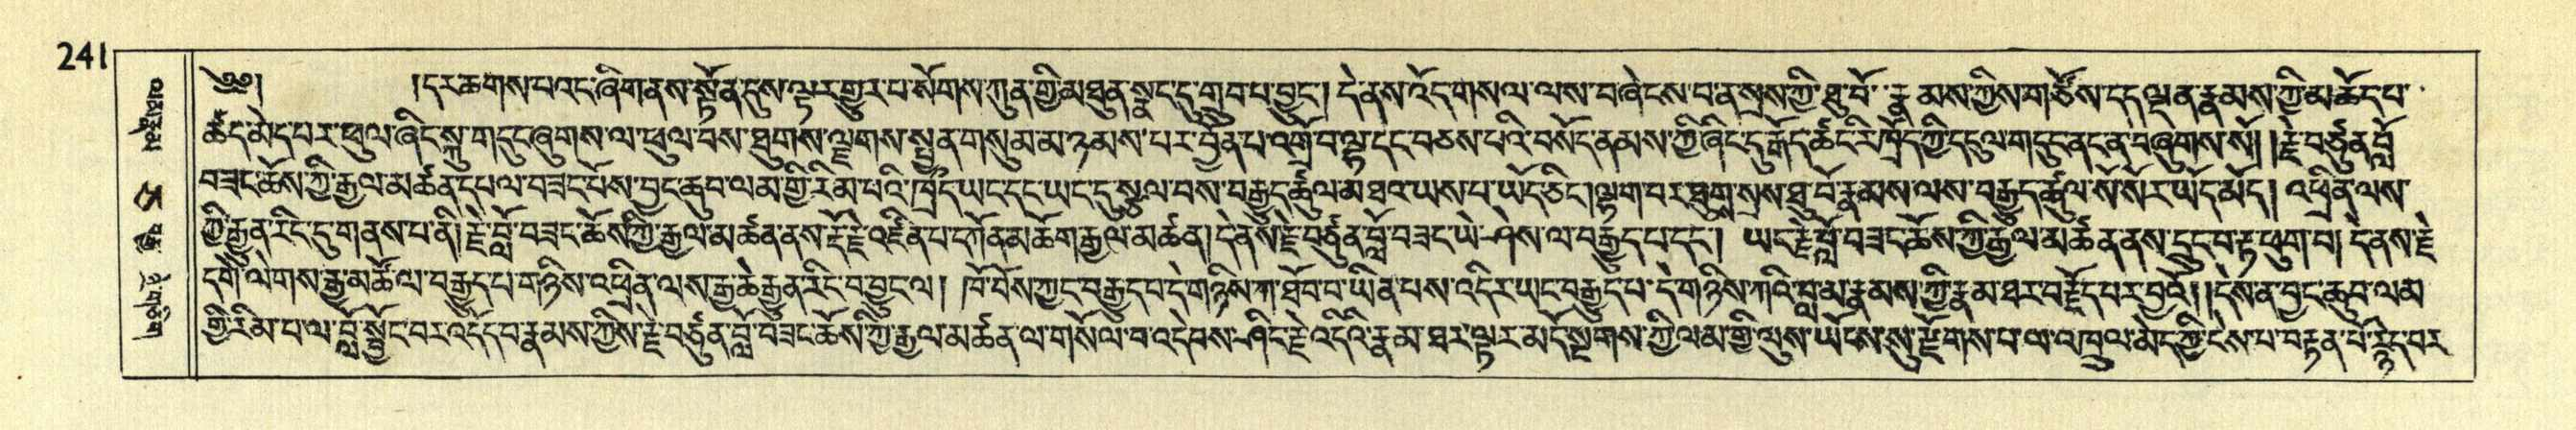༄༅། །དར་ཆགས་པའང་ཞིག་ནས་སྟོན་དུས་ལྟར་གྱུར་པ་སོགས་ཀུན་གྱི་མཐུན་སྣང་དུ་གྲུབ་པ་བྱུང་། དེ་ནས་འོད་གསལ་ལས་བཞེངས་པ་ན་སྲས་ཀྱི་ཐུ་བོ་རྣམས་ཀྱིས་གཙོས་དད་ལྡན་རྣམས་ཀྱི་མཆོད་པ་
ཚད་མེད་པར་ཕུལ་ཞིང་སྐུ་གདུང་ཞུགས་ལ་ཕུལ་བས་ཐུགས་ལྗགས་སྤྱན་གསུམ་མ་ཉམས་པར་བྱོན་པ་འགྲོ་བ་ལྷ་དང་བཅས་པའི་བསོད་ནམས་ཀྱི་ཞིང་དུ་རྒོད་ཚང་རི་ཁྲོད་ཀྱི་དངུལ་གདུང་ནང་ན་བཞུགས་སོ། །རྗེ་བཙུན་བློ་
བཟང་ཆོས་ཀྱི་རྒྱལ་མཚན་དཔལ་བཟང་པོས་བྱང་ཆུབ་ལམ་གྱི་རིམ་པའི་ཁྲྀད་ཡང་དང་ཡང་དུ་སྩལ་བས་བརྒྱུད་ཚུལ་མཐའ་ཡས་པ་ཡོད་ཅིང་།ལྷག་པར་ཐུགས་སྲས་ཐུ་བོ་རྣམས་ལས་བརྒྱུད་ཚུལ་སོ་སོར་ཡོད་མོད། འཕྲིན་ལས་
ཀྱི་རྒྱུན་རིང་དུ་གནས་པ་ནི། རྗེ་བློ་བཟང་ཆོས་ཀྱི་རྒྱལ་མཚན་ནས་རྡོ་རྗེ་འཛིན་པ་དཀོན་མཆོག་རྒྱལ་མཚན། དེ་ནས་རྗེ་བཙུན་བློ་བཟང་ཡེ་ཤེས་ལ་བརྒྱུད་པ་དང་། ཡང་རྗེ་བློ་བཟང་ཆོས་ཀྱི་རྒྱལ་མཚན་ནས་དྲུང་པ་རྟ་ཕུག་པ། དེ་ནས་རྗེ་
དགེ་ལེགས་རྒྱ་མཚོ་ལ་བརྒྱུད་པ་གཉིས་འཕྲིན་ལས་རྒྱ་ཆེ་རྒྱུན་རིང་བ་བྱུང་ལ། ཁོ་བོས་ཀྱང་བརྒྱུད་པ་དེ་གཉིས་ཀ་ཐོབ་པ་ཡིན་པས་འདིར་ཡང་བརྒྱུད་པ་དེ་གཉིས་ཀའི་བླ་མ་རྣམས་ཀྱི་རྣམ་ཐར་བརྗོད་པར་བྱའོ། །དེས་ན་བྱང་ཆུབ་ལམ་
གྱི་རིམ་པ་ལ་བློ་སྦྱོང་བར་འདོད་བ་རྣམས་ཀྱིས་རྗེ་བཙུན་བློ་བཟང་ཆོས་ཀྱི་རྒྱལ་མཚན་ལ་གསོལ་བ་འདེབས་ཤིང་རྗེ་འདིའི་རྣམ་ཐར་ལྟར་མདོ་སྔགས་ཀྱི་ལམ་གྱི་ལུས་ཡོངས་སུ་རྫོགས་པ་ལ་འཁྲུལ་མེད་ཀྱི་ངེས་པ་བརྟན་པོ་རྙེད་པར་